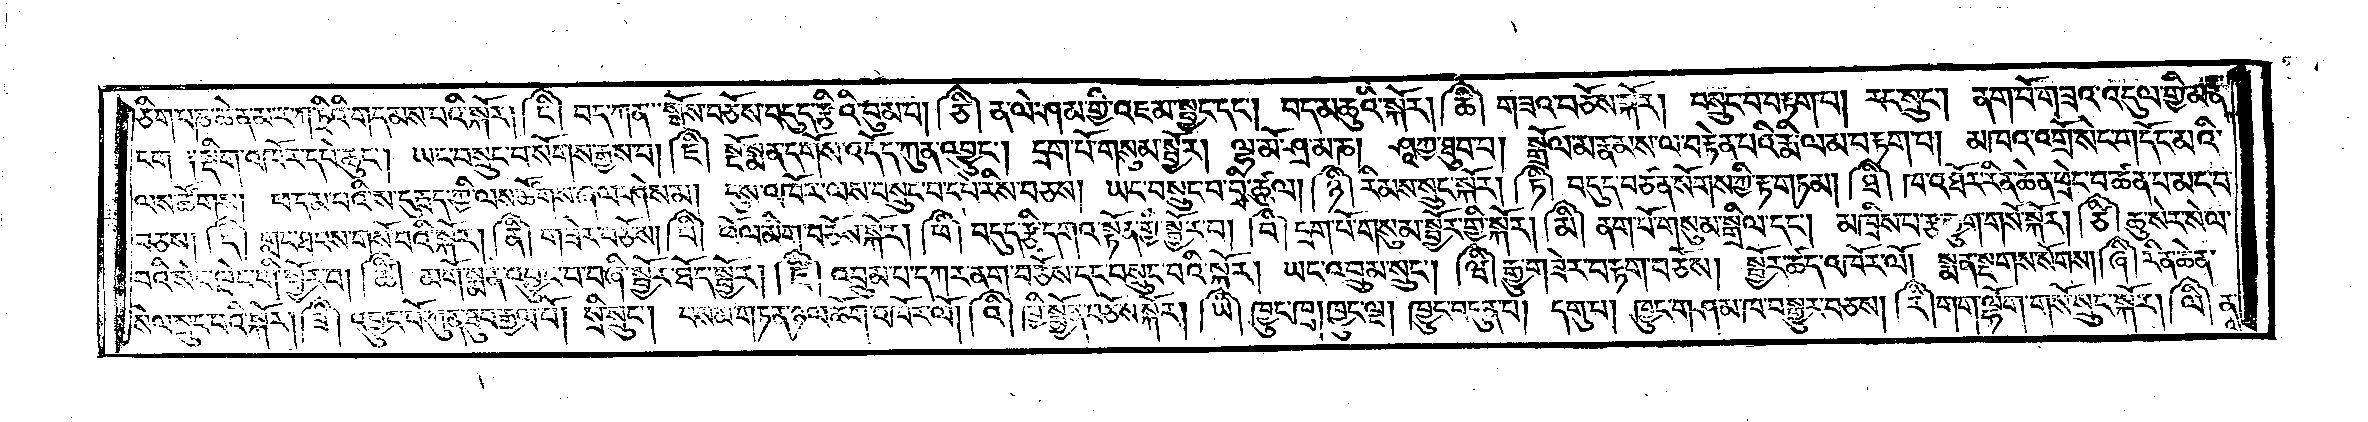ཅིག་པཎ་ཆེན་མ་ར་ཀ་ཏྲིའི་གདམས་པའི་སྐོར། ༼ཇི༽ པད་ཀན་སྒོས་བཅོས་བདུད་རྩིའི་བུམ་པ། ༼ཅི༽ ན་ལེ་ཤམ་གྱི་འཇམ་སྦྱང་དང་། པད་མཆུའི་སྐོར། ༼ཆི༽ གཟའ་བཅོས་སྐོར། བསྲུང་བ་བརྟག་པ། རང་སྲུང་། ནག་པོ་གཟའ་འདུལ་གྱི་མན་
ངག ༑སྡིག་འཁོར་དཔེ་ཆུང་། ཡང་བསྲུང་བ་སོགས་རྒྱས་པ། ༼ཇི༽ སྔོ་སྨན་དགོས་འདོད་ཀུན་འབྱུང་། དྲག་པོ་གསུམ་སྦྱོར། ལྷ་མོ་ཤྲ་མ་ཎ། ཤཱཀྱ་ཐུབ་པ། སྒྲོལ་མ་རྣམས་ལ་བརྟེན་པའི་རྨི་ལམ་བརྟག་པ། མཁའ་འགྲོ་སེང་གདོང་མའི་
ལས་ཚོགས། ཕད་མ་པའི་ས་དུ་རྦད་ཀྱི་ལས་ཚོགས་ཞལ་ཤེས་མ། དུས་འཁོར་ལས་བསྲུང་བ་དཔེ་རིས་བཅས། ཡང་བསྲུང་བ་བྭི་ཚུལ། ༼ཉི༽ རིམས་སྲུང་སྐོར། ༼ཏི༽ བདུད་བཙན་སོགས་ཀྱི་རྟ་གཏམ། ༼ཐི༽ ཁ་འཐོར་རིན་ཆེན་ཕྲེང་བ་ཚན་པ་མང་བ་
བཅས༑ ༼དི༽ གླང་ཐབས་གསོ་བའི་སྐོར། ༼ནི༽ གཟེར་བཅོས། ༼པི༽ ཕོལ་མིག་བཅོས་སྐོར། ༼ཕི༽ བདུད་རྩི་དགའ་སྟོན་གྱི་སྦྱོར་བ། ༼བི༽ དྲག་པོ་གསུམ་སྦྱོར་གྱི་སྐོར། ༼མི༽ ནག་པོ་གསུམ་སྒྲིལ་དང་། མཁྲིས་པ་རྩ་རྒྱུག་གསོ་སྐོར། ༼ཙི༽ ཆུ་སེར་སེལ་
བའི་སེང་ལྡེང་གི་སྦྱོར་བ། ༼ཚི༽ མགོ་སྨན་འབྱུང་བ་བཞི་སྦྱོར་ཐོད་སྦྱོར། ༼ཛི༽ འབྲུམ་པ་དཀར་ནག་བཅོས་དང་བསྲུང་བའི་སྐོར། ཡང་འབྲུམ་སྲུང་། ༼ཝི༽ རྒྱུ་གཟེར་བརྟག་བཅོས། སྦྱོར་ཚད་འཁོར་ལོ། སྨན་སྔགས་སོགས། ༼ཞི༽ རིན་ཆེན་
སེལ་སྲུང་བའི་སྐོར། ༼ཟི༽ འབྱུང་པོ་ཀུན་ཐུབ་རྒྱལ་པོ། སྲི་སྲུང་། བསམ་གཏན་ཉལ་ཆོག་འཁོར་ལོ། ༼འི༽ ཁྱི་སྨྱོན་བཅོས་སྐོར། ༼ཡི༽ ཁྱུང་ཁྲ། ཁྱུང་ལྔ། ཁྱུང་བདུན་པ། དགུ་པ། ཁྱུང་གཤམ་ཁ་བསྒྱུར་བཅས། ༼རི༽ གག་ལྷོག་གསོ་སྲུང་སྐོར། ༼ལི༽ ནཱ་